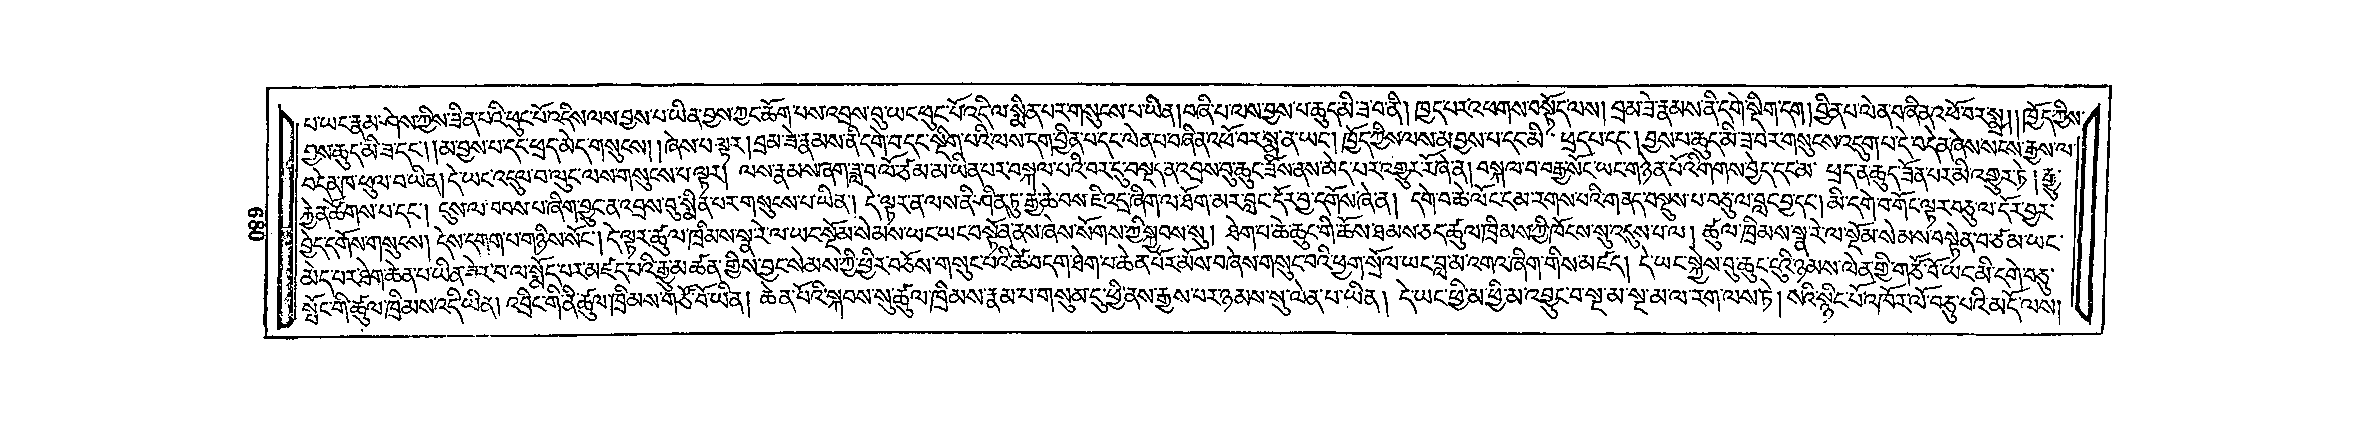པ་ཡང་རྣམ་ཤེས་ཀྱིས་ཟིན་པའི་ཕུང་པོ་འདིས་ལས་བྱས་པ་ཡིན་བྱས་ཀྱང་ཆོག་པས་འབྲས་བུ་ཡང་ཕུང་པོ་འདི་ལ་སྨིན་པར་གསུངས་པ་ཡིན། བཞི་པ་ལས་བྱས་པ་ཆུད་མི་ཟ་བ་ནི། ཁྱད་པར་འཕགས་བསྟོད་ལས། བྲམ་ཟེ་རྣམས་ནི་དགེ་སྡིག་དག །བྱིན་པ་ལེན་བཞིན་འཕོ་བར་སྨྲ། །ཁྱོད་ཀྱིས་
བྱས་ཆུད་མི་ཟ་དང་། །མ་བྱས་པ་དང་ཕྲད་མེད་གསུངས། །ཞེས་པ་ལྟར། བྲམ་ཟེ་རྣམས་ནི་དགེ་བ་དང་སྡིག་པའི་ལས་དག་བྱིན་པ་དང་ལེན་པ་བཞིན་འཕོ་བར་སྨྲ་ན་ཡང་། ཁྱོད་ཀྱིས་ལས་མ་བྱས་པ་དང་མི་ཕྲད་པ་དང་། བྱས་པ་ཆུད་མི་ཟ་བར་གསུངས་འདུག་པ་དེ་བདེན་ཞེས་སངས་རྒྱས་ལ་
བདེན་ཁ་ཕུལ་བ་ཡིན། དེ་ཡང་འདུལ་བ་ལུང་ལས་གསུངས་པ་ལྟར། ལས་རྣམས་ཞག་ཟླ་བ་ལོ་ཙམ་མ་ཡིན་པར་བསྐལ་བའི་བར་དུ་བསྡད་ན་འབྲས་བུ་ཆུང་ཟོས་ནས་མེད་པར་འགྱུར་རོ་ཞེ་ན། བསྐལ་བ་བརྒྱ་སོང་ཡང་གཉེན་པོའི་གགས་བྱེད་དང་མ་ཕྲད་ན་ཆུད་ཟོན་པར་མི་འགྱུར་ཏེ། རྒྱུ་
རྐྱེན་ཚོགས་པ་དང་། དུས་ལ་བབས་པ་ཞིག་བྱུང་ན་འབྲས་བུ་སྨིན་པར་གསུངས་པ་ཡིན། དེ་ལྟར་ན་ལས་ནི་ཤིན་ཏུ་རྒྱ་ཆེ་བས་ཇི་འདྲ་ཞིག་ལ་ཐོག་མར་བླང་དོར་བྱ་དགོས་ཞེ་ན། དགེ་བ་ཆེ་ལོང་དམ་རགས་པའི་གནད་བསྡུས་པ་བཅུ་ལ་བླང་བྱ་དང་། མི་དགེ་བ་གོང་ལྟར་བཅུ་ལ་དོར་བྱར་
བྱེད་དགོས་གསུངས། དེས་དགག་པ་གཉིས་སོང་། དེ་ལྟར་ཚུལ་ཁྲིམས་སྣ་རེ་ལ་ཡང་སྡོམ་སེམས་ཡང་ཡང་བསྟོན་ནས་ཞེས་སོགས་ཀྱི་སྐྱབས་སུ། ཐེག་པ་ཆེ་ཆུང་གི་ཆོས་ཐམས་ཅད་ཚུལ་ཁྲིམས་ཀྱི་ཁོངས་སུ་འདུས་པ་ལ། ཚུལ་ཁྲིམས་སྣ་རེ་ལ་སྡོམ་སེམས་བསྟེན་བ་ཙམ་ཡང་
མེད་པར་ཐེག་ཆེན་པ་ཡིན་ཟེར་བ་ལ་སྨོད་པར་མཛད་པའི་རྒྱུ་མཚན་གྱིས་བྱང་སེམས་ཀྱི་ཕྱིར་བཅོས་གསུང་པའི་ཚེ་བདག་ཐེག་པ་ཆེན་པོར་མོས་བཞེས་གསུང་བའི་ཕྱག་སྲོལ་ཡང་བླ་མ་འགའ་ཞིག་གིས་མཛད། དེ་ཡང་སྐྱེས་བུ་ཆུང་ངུའི་ཉམས་ལེན་གྱི་གཙོ་བོ་ཡང་མི་དགེ་བཅུ་
སྤོང་གི་ཚུལ་ཁྲིམས་འདི་ཡིན། འབྲིང་གི་ནི་ཚུལ་ཁྲིམས་གཙོ་བོ་ཡིན། ཆེན་པོའི་སྐབས་སུ་ཚུལ་ཁྲིམས་རྣམ་པ་གསུམ་དུ་ཕྱི་ནས་རྒྱས་པར་ཉམས་སུ་ལེན་པ་ཡིན། དེ་ཡང་ཕྱི་མ་ཕྱི་མ་འབྱུང་བ་སྔ་མ་སྔ་མ་ལ་རག་ལས་ཏེ། སའི་སྙིང་པོ་འཁོར་ལོ་བཅུ་པའི་མདོ་ལས།